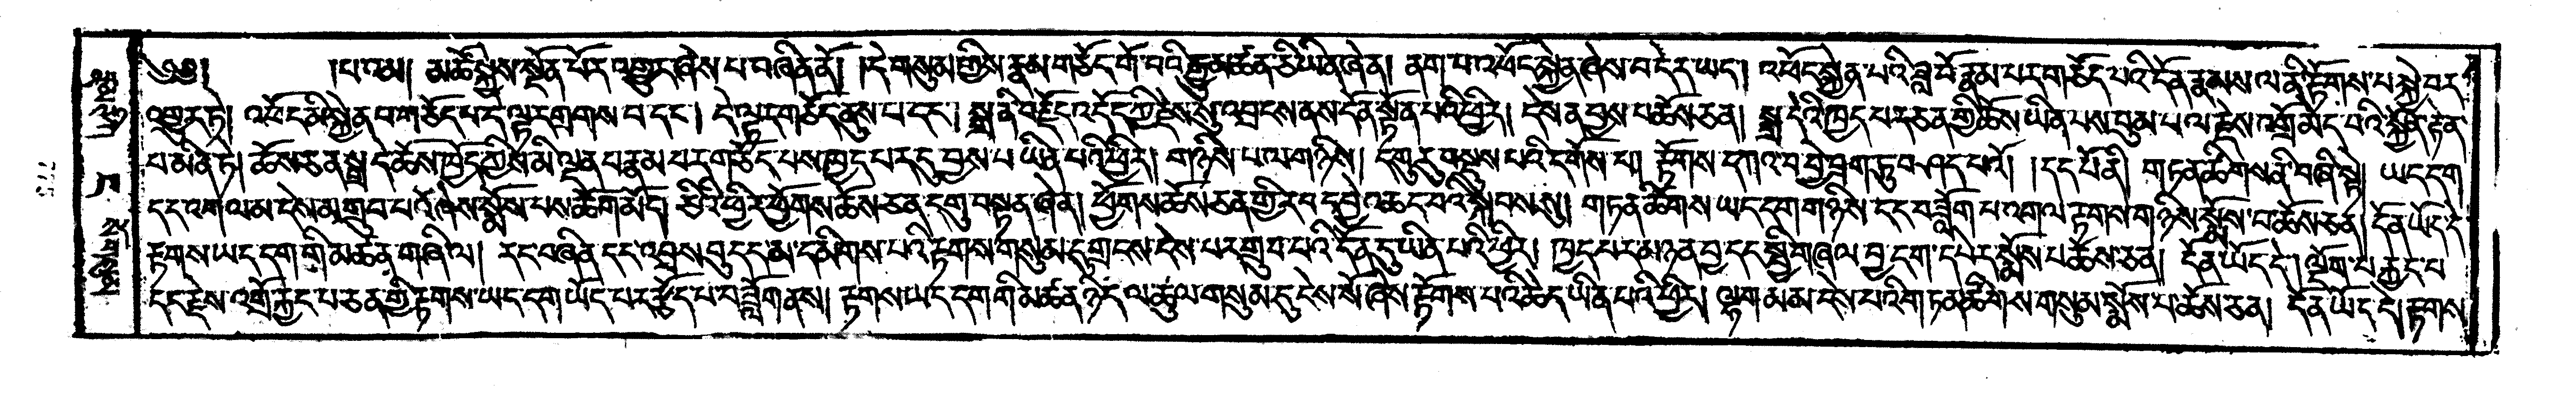༄༅། །པའམ། མཚོ་སྐྱེས་སྔོན་པོར་འགྱུར་ཞེས་པ་བཞིན་ནོ། །དེ་གསུམ་གྱིས་རྣམ་གཅོད་གོ་བའི་རྒྱུ་མཚན་ཅི་ཡིན་ཞེ་ན། ནག་པ་འཕོང་སྐྱེན་ཞེས་བ་དེར་ཡང་། འཕོང་སྐྱེན་པའི་ཟླ་བོ་རྣམ་པར་གཅོད་པའི་དོན་རྣམས་ལ་ནི་རྟོགས་པ་སྐྱེ་བར་
འགྱུར་ཏེ། འཕོང་མི་སྐྱེན་པ་གཅོད་པ་དེ་ལྟར་གྲགས་པ་དང་། དེ་ལྟར་གཅོད་ནུས་པ་དང་། སྒྲ་ནི་བརྗོད་འདོད་ཀྱི་རྗེས་སུ་འབྲངས་ནས་དོན་སྟོན་པའི་ཕྱིར། དེས་ན་བྱས་པ་ཆོས་ཅན། སྒྲ་དེའི་ཁྱད་པར་ཅན་གྱི་ཆོས་ཡིན་པས་བུམ་པ་ལ་རྗེས་འགྲོ་མེད་པའི་སྐྱོན་རྟེན་
པ་མིན་ཏེ། ཆོས་ཅན་སྒྲ་དེ་ཆོས་ཁྱོད་ཀྱིས་མི་ལྡན་པ་རྣམ་པར་གཅོད་པས་ཁྱད་པར་དུ་བྱས་པ་ཡིན་པའི་ཕྱིར། གཉིས་པ་ལ་གཉིས། དགུ་རུ་བསྡུས་པའི་དགོས་པ། རྟོགས་དཀའ་བ་བྱེ་བྲག་ཏུ་བཤད་པའོ། །དང་པོ་ནི། གཏན་ཚིགས་ནི་བཞི་སྟེ། ཡང་དག་
དང་འགལ་མ་དེས་མ་གྲུབ་པའོ་ཞེས་སྨོས་པས་ཆོག་མོད། ཅིའི་ཕྱིར་ཕྱོགས་ཆོས་ཅན་དགུ་བསྟན་ཞེ་ན། ཕྱོགས་ཆོས་ཅན་གྱི་རབ་དབྱེ་འཆང་བའི་སྐབས་སུ། གཏན་ཚིགས་ཡང་དག་གཉིས་དང་བཟློག་པ་འགལ་རྟགས་གཉིས་སྨོས་པ་ཆོས་ཅན། དོན་ཡོད་དེ་
རྟགས་ཡང་དག་གི་མཚན་གཞི་ལ། རང་བཞིན་དང་འབྲས་བུ་དང་མ་དམིགས་པའི་རྟགས་གསུམ་དུ་གྲངས་དེས་པར་གྲུབ་པའི་དོན་དུ་ཡིན་པའི་ཕྱིར། ཁྱད་པར་མཉན་བྱ་དང་སྤྱི་གཞལ་བྱ་དག་དཔེར་སྨོས་པ་ཆོས་ཅན། དོན་ཡོད་དེ། ལྡོག་པ་རྐྱང་པ་
དང་རྗེས་འགྲོ་རྐྱང་པ་ཅན་གྱི་རྟགས་ཡང་དག་ཡོད་པར་རྩོད་པ་བཟློག་ནས། རྟགས་ཡང་དག་གི་མཚན་ཉིད་ལ་ཚུལ་གསུམ་དུ་ངེས་སོ་ཞེས་རྟོགས་པའི་ཆེད་ཡིན་པའི་ཕྱིར། ལྷག་མ་མ་ངེས་པའི་གཏམ་ཚིགས་གསུམ་སྨོས་པ་ཆོས་ཅན། དོན་ཡོད་དེ། རྟགས་